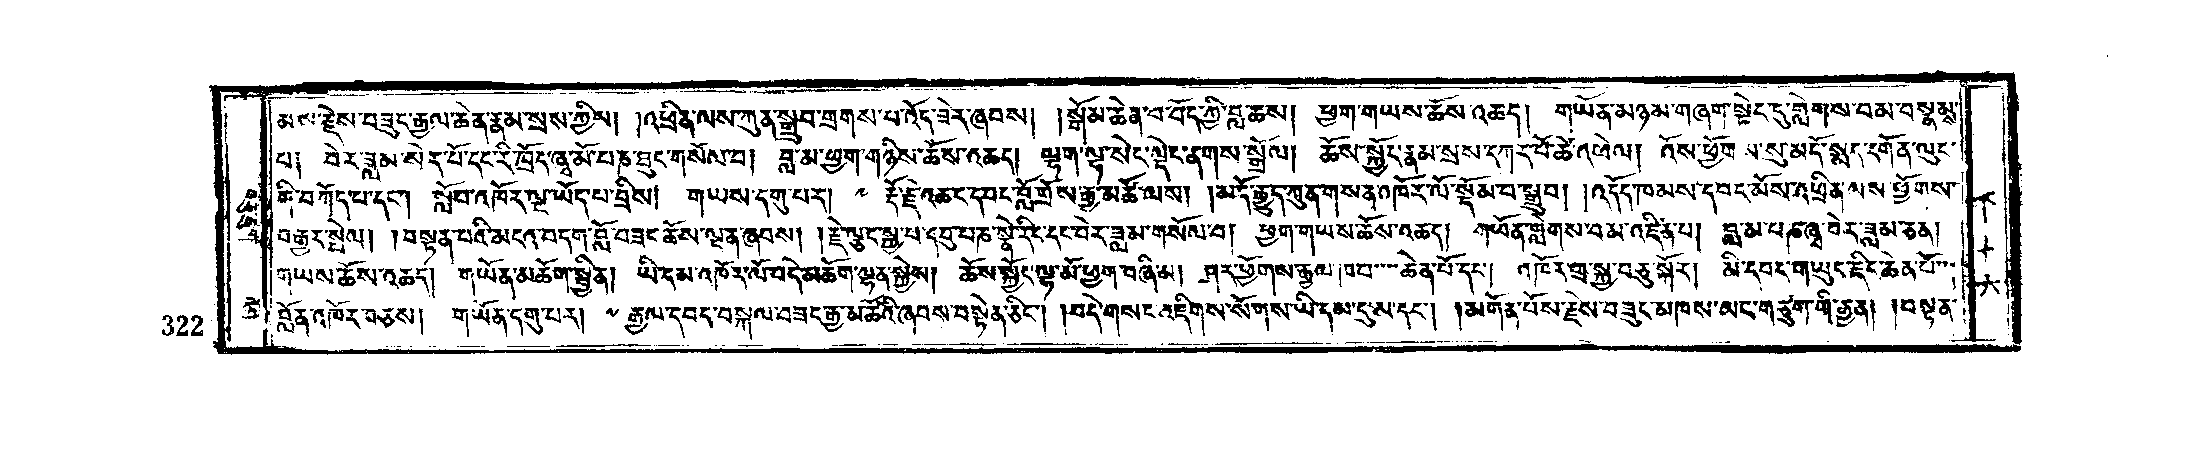མས་རྗེས་བཟུང་རྒྱལ་ཆེན་རྣམ་སྲས་ཀྱིས། །འཕྲིན་ལས་ཀུན་སྒྲུབ་གྲགས་པ་འོད་ཟེར་ཞབས། །སྒོམ་ཆེན་བ་བོད་ཀྱི་བླ་ཆས། ཕྱག་གཡས་ཆོས་འཆད། གཡོན་མཉམ་གཞག་སྟེང་དུ་གླེགས་བམ་བསྣམས་
པ། བེར་ཟླམ་སེར་པོ་དང་རི་ཁྲོད་ཞྭ་མོ་པཎ་ཐུང་གསོལ་བ། བླ་མ་ཕྱག་གཉིས་ཆོས་འཆད། ལྷག་ལྷ་སེང་ལྡེང་ནགས་སྒྲོལ། ཆོས་སྐྱོང་རྣམ་སྲས་དཀར་པོ་ཚེ་འཕེལ། འོས་ཕྱོགས་སུ་མདོ་སྨད་དགོན་ལུང་
གི་བཀོད་པ་དང་། སློབ་འཁོར་ལྔ་ཡོད་པ་བྲིས། གཡས་དགུ་པར། རྡོ་རྗེ་འཆང་དབང་བློ་གྲོས་རྒྱ་མཚོ་ལས། །མདོ་རྒྱུད་ཀུན་གསན་འཁོར་ལོ་སྡོམ་པ་སྒྲུབ། །འདོད་ཁམས་དབང་མོས་འཕྲིན་ལས་ཕྱོགས་
བརྒྱར་སྤེལ། །བསྟན་པའི་མངའ་བདག་བློ་བཟང་ཆོས་ལྡན་ཞབས། །རྗེ་ལྕང་སྐྱ་པ་དབུ་པཎ་སྣེ་རིང་དང་བེར་ཟླམ་གསོལ་བ། ཕྱག་གཡས་ཆོས་འཆད། གཡོན་གླེགས་བམ་འཛིན་པ། བླ་མ་པཎ་ཞྭ་བེར་ཟླམ་ཅན།
གཡས་ཆོས་འཆད། གཡོན་མཆོག་སྦྱིན། ཡི་དམ་འཁོར་ལོ་བདེ་མཆོག་ལྷན་སྐྱེས། ཆོས་སྐྱོང་ལྷ་མོ་ཕྱག་བཞི་མ། ཤར་ཕྱོགས་རྒྱལ་ཁབ་ཆེན་པོ་དང་། འཁོར་གྲ་སྐྱ་བཅུ་སྐོར། མི་དབང་གཡུང་ཇིང་ཆེན་པོ་
བློན་འཁོར་བཅས། གཡོན་དགུ་པར། རྒྱལ་དབང་བསྐལ་བཟང་རྒྱ་མཚོའི་ཞབས་བསྟེན་ཅིང་། །བདེ་གསང་འཇིགས་སོགས་ཡི་དམ་དུ་མ་དང་། །མགོན་པོས་རྗེས་བཟུང་མཁས་མང་གཙུག་གི་རྒྱན། །བསྟན་